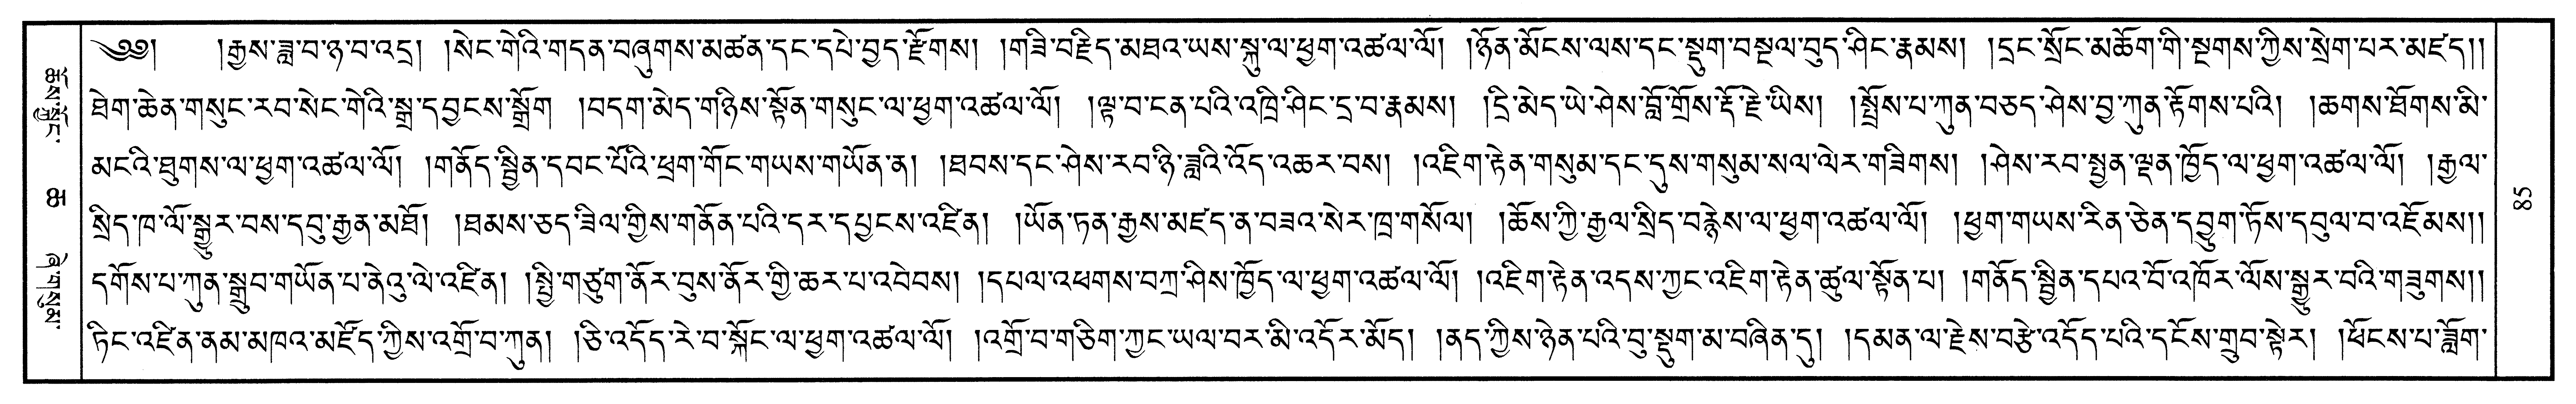༄༅། །རྒྱས་ཟླ་བ་ཉ་བ་འདྲ། །སེང་གེའི་གདན་བཞུགས་མཚན་དང་དཔེ་བྱད་རྫོགས། །གཟི་བརྗིད་མཐའ་ཡས་སྐུ་ལ་ཕྱག་འཚལ་ལོ། །ཉོན་མོངས་ལས་དང་སྡུག་བསྔལ་བུད་ཤིང་རྣམས། །དྲང་སྲོང་མཆོག་གི་སྔགས་ཀྱིས་སྲེག་པར་མཛད།།
ཐེག་ཆེན་གསུང་རབ་སེང་གེའི་སྒྲ་དབྱངས་སྒྲོག །བདག་མེད་གཉིས་སྟོན་གསུང་ལ་ཕྱག་འཚལ་ལོ། །ལྟ་བ་ངན་པའི་འཁྲི་ཤིང་དྲ་བ་རྣམས། །དྲི་མེད་ཡེ་ཤེས་བློ་གྲོས་རྡོ་རྗེ་ཡིས། །སྤྲོས་པ་ཀུན་བཅད་ཤེས་བྱ་ཀུན་རྟོགས་པའི། །ཆགས་ཐོགས་མི་
མངའི་ཐུགས་ལ་ཕྱག་འཚལ་ལོ། །གནོད་སྦྱིན་དབང་པོའི་ཕྲག་གོང་གཡས་གཡོན་ན། །ཐབས་དང་ཤེས་རབ་ཉི་ཟླའི་འོད་འཆར་བས། །འཇིག་རྟེན་གསུམ་དང་དུས་གསུམ་སལ་ལེར་གཟིགས། །ཤེས་རབ་སྤྱན་ལྡན་ཁྱོད་ལ་ཕྱག་འཚལ་ལོ། །རྒྱལ་
སྲིད་ཁ་ལོ་སྒྱུར་བས་དབུ་རྒྱན་མཐོ། །ཐམས་ཅད་ཟིལ་གྱིས་གནོན་པའི་དར་དཔྱངས་འཛིན། །ཡོན་ཏན་རྒྱས་མཛད་ན་བཟའ་སེར་ཁྲ་གསོལ། །ཆོས་ཀྱི་རྒྱལ་སྲིད་བརྙེས་ལ་ཕྱག་འཚལ་ལོ། །ཕྱག་གཡས་རིན་ཅེན་དབྱུག་ཏོས་དབུལ་བ་འཇོམས།།
དགོས་པ་ཀུན་སྒྲུབ་གཡོན་པ་ནེའུ་ལེ་འཛིན། །སྤྱི་གཙུག་ནོར་བུས་ནོར་གྱི་ཆར་པ་འབེབས། །དཔལ་འཕགས་བཀྲ་ཤིས་ཁྱོད་ལ་ཕྱག་འཚལ་ལོ། །འཇིག་རྟེན་འདས་ཀྱང་འཇིག་རྟེན་ཚུལ་སྟོན་པ། །གནོད་སྦྱིན་དཔའ་བོ་འཁོར་ལོས་སྒྱུར་བའི་གཟུགས།།
ཏིང་འཛིན་ནམ་མཁའ་མཛོད་ཀྱིས་འགྲོ་བ་ཀུན། །ཅི་འདོད་རེ་བ་སྐོང་ལ་ཕྱག་འཚལ་ལོ། །འགྲོ་བ་གཅིག་ཀྱང་ཡལ་བར་མི་འདོར་མོད། །ནད་ཀྱིས་ཉེན་པའི་བུ་སྡུག་མ་བཞིན་དུ། །དམན་ལ་རྗེས་བརྩེ་འདོད་པའི་དངོས་གྲུབ་སྟེར། །ཕོངས་པ་ཟློག་